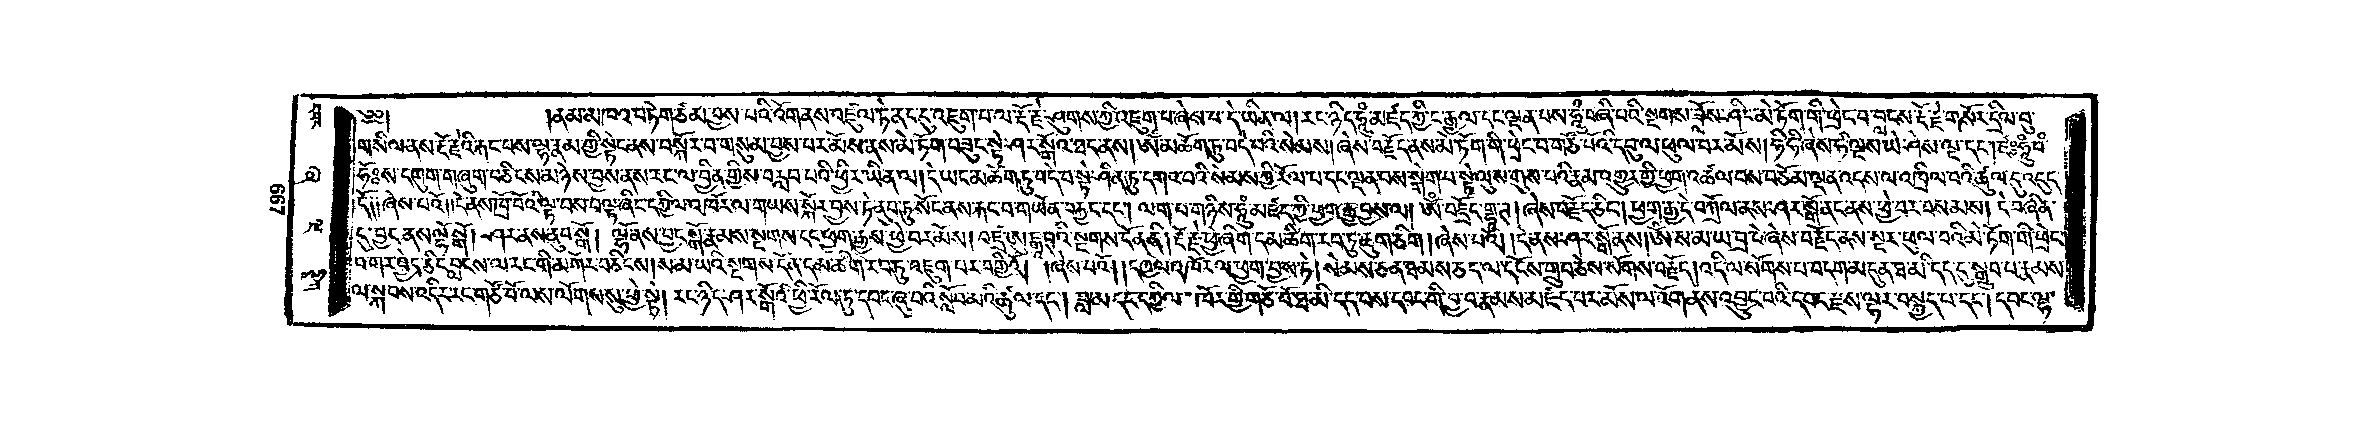༄༅། །ནམ་མཁའ་བཏེག་ཙམ་བྱས་པའི་འོག་ནས་འཛུལ་ཏེ་ནང་དུ་འཇུག་པ་ལ་རྡོ་རྗེ་ཤུགས་ཀྱི་འཇུག་པ་ཞེས་པ་དེ་ཡིན་ལ། རང་ཉིད་ཧཱུཾ་མཛད་ཀྱི་ང་རྒྱལ་དང་ལྡན་པས་ཧཱུཾ་བཞི་པའི་སྔགས་ཟློས་ཤིང་མེ་ཏོག་གི་ཕྲེང་བ་བླངས་རྡོ་རྗེ་གསོར་དྲིལ་བུ་
གསིལ་ནས་རྡོ་རྗེའི་རྐང་པས་ལྷ་རྣམ་གྱི་སྟེང་ནས་བསྐོར་བ་གསུམ་བྱས་པར་མོས་ནས་མེ་ཏོག་བཟུང་སྟེ་ཤར་སྒོའི་ཐད་ནས། ཨོཾ་མཆོག་ཏུ་བདེ་བའི་སེམས། ཞེས་བརྗོད་ནས་མེ་ཏོག་གི་ཕྲེང་བ་གཙོ་བོའི་དབུ་ལ་ཕུལ་བར་མོས། ཧི་ཧི་ཞེས་ཧི་ལྔས་ཡེ་ཤེས་ལྔ་དང་། ཛཿ ཧཱུཾ་བཾ་
ཧོཿ ས་དགུག་གཞུག་བཅིངས་མཉེས་བྱས་ནས་རང་ལ་བྱིན་གྱིས་བརླབས་པའི་ཕྱིར་ཡིན་ལ། དེ་ཡང་མཆོག་ཏུ་བདེ་བ་སྟེ་ཤིན་ཏུ་དགའ་བའི་སེམས་ཀྱི་རོལ་པ་དང་ལྡན་བས་སྒེག་པ་སྟེ་ལུས་གུས་པའི་རྣམ་འགྱུར་གྱི་ཕྱག་འཚལ་བས་བཅོམ་ལྡན་འདས་ལ་འཁྲིལ་བའི་ཚུལ་དུ་འདུད་
དོ། །ཞེས་པའོ། །དེ་ནས་ཁྲོ་བོའི་ལྟ་བས་བལྟ་ཞིང་དཀྱིལ་འཁོར་ལ་གཡས་སྐོར་བྱས་ཏེ་ནུབ་ཏུ་སོང་ནས་རྐང་བ་གཡོན་བརྐྱང་དང་། ལག་པ་གཉིས་ཧཱུཾ་མཛད་ཀྱི་ཕྱག་རྒྱ་བྱས་ལ། ཨོཾ་བྫྲོད་གྷཱ་ཊ། ཞེས་བརྗོད་ཅིང་། ཕྱག་རྒྱ་དེ་བཀྲོལ་ནས་ཤར་སྒོ་ནང་ནས་ཕྱེ་བར་བསམས། དེ་བཞིན་
དུ་བྱང་ནས་ལྷོ་སྒོ །ཤར་ནས་ནུབ་སྒོ། ལྷོ་ནས་བྱང་སྒོ་རྣམས་སྔགས་དང་ཕྱག་རྒྱས་ཕྱེ་བར་མོས། བྫྲ་ཨུདགཱ་བའི་སྔགས་དོན་ནི། རྡོ་རྗེ་ཕྱེ་ཞིག་དམ་ཚིག་རབ་ཏུ་ཆུག་ཅིག །ཞེས་པའོ། དེ་ནས་ཤར་སྒོ་ནས། ཨོཾ་ས་མ་ཡ་བྲ་ངེ་ཞེས་བརྗོད་ནས་སྔར་ཕུལ་བའི་མེ་ཏོག་གི་ཕྲེང་
བ་གར་བྱེད་ཅིང་བླངས་ལ་རང་གི་མགོར་བཅིངས། ས་མ་ཡའི་སྔགས་དོན་དམ་ཚིག་རབ་ཏུ་འཇུག་པར་བགྱིའོ། །ཞེས་པའོ། །དཀྱིལ་འཁོར་ལ་ཕྱག་བྱས་ཏེ། སེམས་ཅན་ཐམས་ཅད་ལ་དངོས་གྲུབ་ཅེས་སོགས་བརྗོད། འདི་ལ་སོགས་པ་བདག་མདུན་ཐ་མི་དད་དུ་སྒྲུབ་པ་རྣམས་
ལ་སྐབས་འདིར་རང་གཙོ་བོ་ལས་ལོགས་སུ་ཕྱེ་སྟེ། རང་ཉིད་ཤར་སྒོའི་ཕྱི་རོལ་ཏུ་དབང་ཞུ་བའི་སློབ་མའི་ཚུལ་དང་། བླ་མ་དང་དཀྱིལ་འཁོར་གྱི་གཙོ་བོ་ཐ་མི་དད་བས་དབང་གི་བྱ་བ་རྣམས་མཛད་པར་མོས་ལ་འོག་ནས་འབྱུང་བའི་དབང་རྫས་ལྷར་བསྐྱད་པ་དང་། དབང་ལྷ་